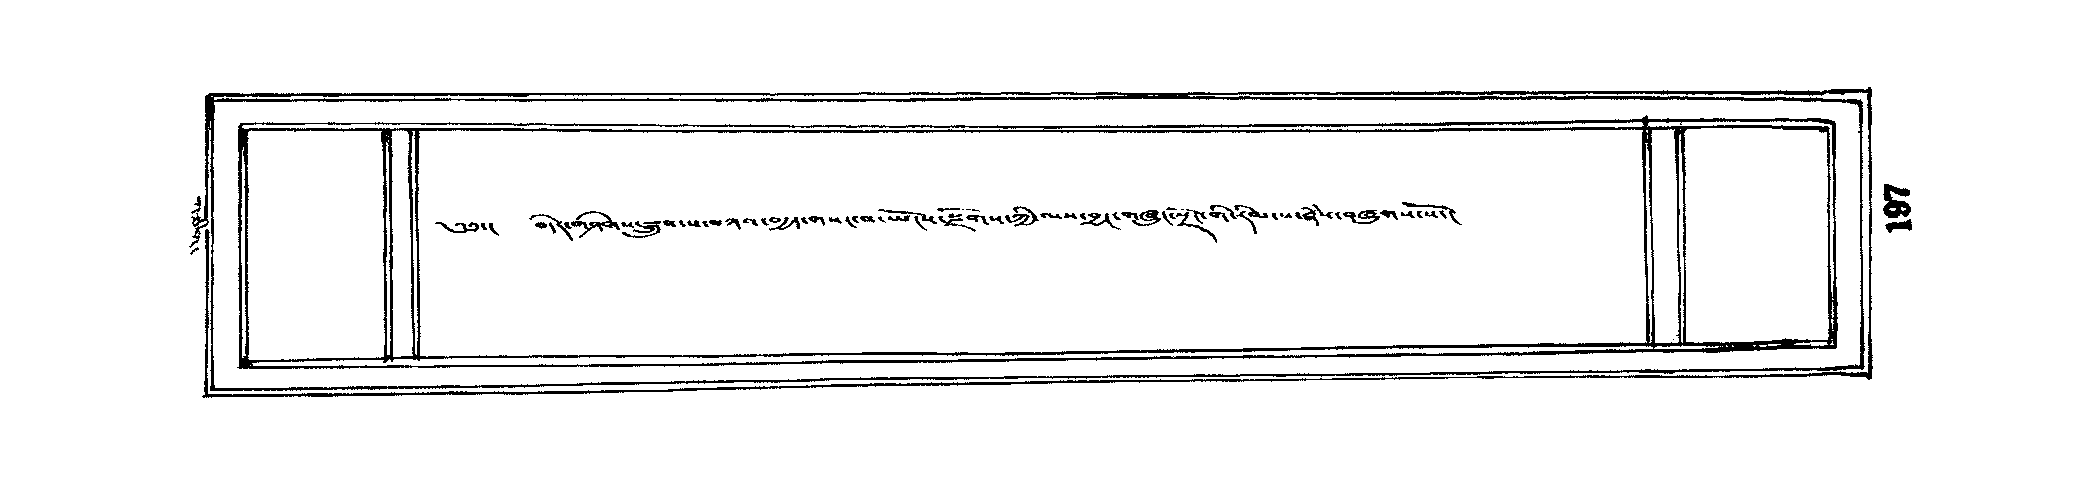༄༅། བདེར་གཤེགས་སྒྲུབ་པ་བཀའ་བརྒྱད་གསང་བ་ཡོངས་རྫོགས་ཀྱི་ལས་བྱང་གཞུང་སྲོང་གི་རིམ་པ་བཞུགས་སོ།